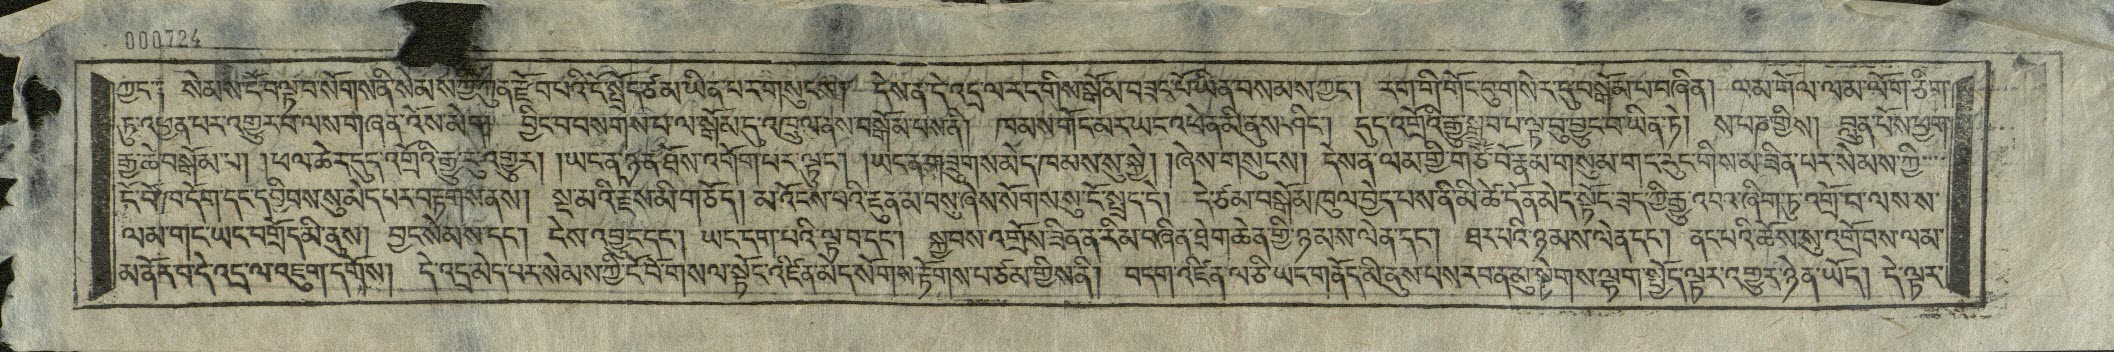ཀྱང༑ སེམས་ངོ་བལྟ་བ་སོགས་ནི་སེམས་ཀྱི་ཀུན་རྫོབ་པའི་ངོ་སྤྲོད་ཙམ་ཡིན་པར་གསུངས། དེས་ན་དེ་འདྲ་ལ་རང་གིས་སྒོམ་བཟང་པོ་ཡིན་བསམས་ཀྱང་། རག་གི་གོང་བུ་གསེར་དུ་བསྒོམ་པ་བཞིན། ལམ་གོལ་ལམ་ལོག་ཅིག་
ཏུ་འཕྱན་པར་འགྱུར་བ་ལས་གཞན་འོས་མེད། བྱིང་བ་བསགས་པ་ལ་སྒོམ་དུ་འཁྲུལ་ནས་བསྒོམ་པས་ནི། ཁམས་གོང་མར་ཡང་འཕེན་མི་ནུས་ཤིང་། དུད་འགྲོའི་རྒྱུ་སྒྲུབ་པ་ལྟ་བུ་བྱུང་བ་ཡིན་ཏེ། ས་པཎ་གྱིས། བླུན་པོས་ཕྱག་
རྒྱ་ཆེ་བསྒོམ་པ། །ཕལ་ཆེར་དུད་འགྲོའི་རྒྱུ་རུ་འགྱུར། །ཡང་ན་ཉན་ཐོས་འགོག་པར་ལྟུང་། །ཡང་ན་གཟུགས་མེད་ཁམས་སུ་སྐྱེ། །ཞེས་གསུངས། དེས་ན་ལམ་གྱི་གཙོ་བོ་རྣམ་གསུམ་གང་རུང་གིས་མ་ཟིན་པར་སེམས་ཀྱི་
ངོ་བོ་ཁ་དོག་དང་དབྱིབས་སུ་མེད་པར་བརྟགས་ནས། སྔ་མའི་རྗེས་མི་གཅོད། མ་འོངས་པའི་རྡུན་?་མ་བསུ་ཞེས་སོགས་སུ་ངོ་སྤྲད་དེ། དེ་ཙམ་བསྒོམ་ཁུལ་བྱེད་པས་ནི་མི་ཚེ་དོན་མེད་སྟོང་ཟད་ཀྱི་རྒྱུ་འབའ་ཞིག་ཏུ་འགྲོ་བ་ལས་ས་
ལམ་གང་ཡང་བགྲོད་མི་ནུས། བྱང་སེམས་དང་། ངེས་འབྱུང་དང་། ཡང་དག་པའི་ལྟ་བ་དང་། སྐྱབས་འགྲོས་ཟིན་ན་རིམ་བཞིན་ཐེག་ཆེན་གྱི་ཉམས་ལེན་དང་། ཐར་པའི་ཉམས་ལེན་དང་། ནང་པའི་ཆོས་སུ་འགྲོ་བས་ལམ་
མ་ནོར་བ་དེ་འདྲ་ལ་འཇུག་དགོས། དེ་འདྲ་མེད་པར་སེམས་ཀྱི་ངོ་བོ་གསལ་སྟོང་འཛིན་མེད་སོགས་རྟོགས་པ་ཙམ་གྱིས་ནི། བདག་འཛིན་ལ་ཅི་ཡང་གནོད་མི་ནུས་པས་རབ་ན་མུ་སྟེགས་ལྷག་སྤྱོད་ལྟར་འགྱུར་ཉེན་ཡོད། དེ་ལྟར་